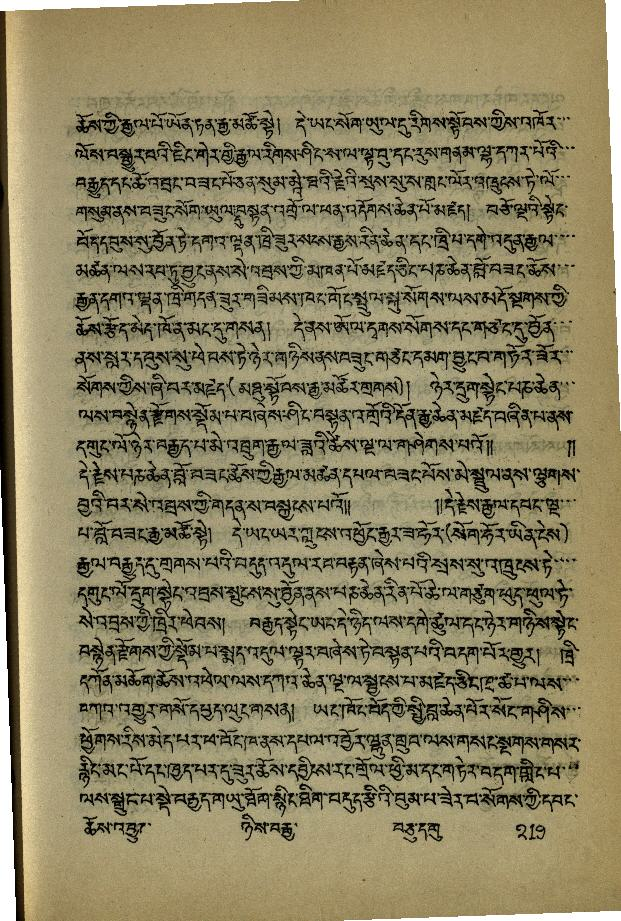ཆོས་ཀྱི་རྒྱལ་པོ་ཡོན་ཏན་རྒྱ་མཚོ་སྟེ། དེ་ཡང་སོག་ཡུལ་དུ་རིགས་སྟོབས་ཀྱིས་འཁོར་
ལོས་བསྒྱུར་བའི་ཇིང་གེར་གྱི་རྒྱལ་རིགས་ཤིང་ས་ལ་ལྟ་བུ་དང་རུས་གནམ་ལྷ་དཀར་པོའི་
བརྒྱུད་དང་ཆོ་འབྲང་བཟང་པོ་ཅན་སུམ་མE་ཐའི་རྗེའི་སྲས་སུ་ས་གླང་ལོར་འཁྲུངས་ཏེ་ལོ་
གསུམ་ནས་བཟུང་སོགས་ཡུལ་དུ་བསྟན་འགྲོ་ལ་ཕན་འདོགས་ཆེན་པོ་མཛད། བཅོ་ལྔའི་སྟེང་
བོད་དབུས་སུ་བྱོན་ཏེ་དགའ་ལྡན་ཁྲི་ཟུར་སངས་རྒྱས་རིན་ཆེན་དང་ཁྲི་པ་དགེ་འདུན་རྒྱལ་
མཚན་ལས་རབ་ཏུ་བྱུང་ནས་སེ་འབྲས་ཀྱི་མཁན་པོ་མཛད་ཅིང་པཎ་ཆེན་བློ་བཟང་ཆོས་
རྒྱན་དགའ་ལྡན་ཁྲི་གདན་ཟུར་གཟིམས་ཁང་གོང་སྤྲུལ་སྐུ་སོགས་ལས་མདོ་སྔགས་ཀྱི་
ཆོས་རྩོད་མེད་ཁོ་ན་མང་དུ་གསན། དེ་ནས་ཨོལ་དྭགས་སོགས་དང་གཙང་དུ་བྱོན་
ནས་སླར་དབུས་སུ་ཕེབས་ཏེ་ཉེར་གཉི་ནས་བཟུང་གཙང་དམག་བྱུང་བ་གཏོར་ཟོར་
སོགས་ཀྱིས་ཞི་བར་མཛད་མཐུ་སྟོབས་རྒྱ་མཚོར་གྲགས་ཉེར་དྲུག་སྟེང་པཎ་ཆེན་
ལས་བསྙེན་རྫོགས་སྡོམ་པ་བཞེས་ཤིང་བསྟན་འགྲོའི་དོན་རྒྱ་ཆེན་མཛད་བཞིན་པ་ནས་
དགུང་ལོ་ཉེར་བརྒྱད་པ་མེ་འབྲུག་རྒྱལ་ཟླའི་ཚེས་ལྔ་ལ་གཤེགས་པའོ།། །།
དེ་རྗེས་པཎ་ཆེན་བློ་བཟང་ཆོས་ཀྱི་རྒྱལ་མཚན་དཔལ་བཟང་པོས་མེ་སྦྲུལ་ནས་ལྕགས་
བྱའི་བར་སེ་འབྲས་ཀྱི་གདན་ས་བསྐྱངས་པའོ།། །།དེ་རྗེས་རྒྱལ་དབང་ལྔ་
པ་བློ་བཟང་རྒྱ་མཚོ་སྟེ། དེ་ཡང་ཡར་ཀླུངས་འཕྱོང་རྒྱར་ཟ་ཧོར་སོགས་ཧོར་ཡིན་ངེས
རྒྱལ་བརྒྱུད་དུ་གྲགས་པའི་བདུན་འདུལ་རབ་བརྟན་ཞེས་པའི་སྲས་སུ་འཁྲུངས་ཏེ་
དགུང་ལོ་དྲུག་སྟེང་འབྲས་སྤུངས་སུ་བྱོན་ནས་པཎ་ཆེན་རིན་པོ་ཆེ་ལ་གཙུག་ཕུད་ཕུལ་ཏེ་
སེ་འབྲས་ཀྱི་ཁྲིར་ཕེབས། བརྒྱད་སྟེང་ཡང་དེ་ཉིད་ལས་དགེ་ཚུལ་དང་ཉེར་གཉིས་སྟེང་
བསྙེན་རྫོགས་ཀྱི་སྡོམ་པ་སྨད་འདུལ་ལྟར་བཞེས་ཏེ་བསྟན་པའི་བདག་པོར་གྱུར། ཁྲི་
དཀོན་མཆོག་ཆོས་འཕེལ་ལས་དཀའ་ཆེན་ལྔ་ལ་སྦྱངས་པ་མཛད་ཅིང་ཁྲ་ཚ་པ་ལས་
བཀའ་འགྱུར་གསོ་དཔྱད་ལུང་གསན། ཡང་ཁོང་བོད་ཀྱི་སྤྱི་བླ་ཆེན་པོར་སོང་གཤིས་
ཕྱོགས་རིས་མེད་པར་ཕ་བོང་ཁ་ནས་དཔལ་འབྱོར་ལྷུན་གྲུབ་ལས་གསང་སྔགས་གསར་
རྙིང་མང་པོ་དང་ཁྱད་པར་དུ་ཟུར་ཆོས་དབྱིངས་རང་གྲོལ་ཕྱི་མ་དང་གཏེར་བདག་གླིང་པ་
ལས་སྒྲུང་པ་སྡེ་བརྒྱད་གཡུ་ཐོག་སྙིང་ཐིག་བདུད་རྩིའི་བུམ་པ་ཟེར་བ་སོགས་ཀྱི་དབང་